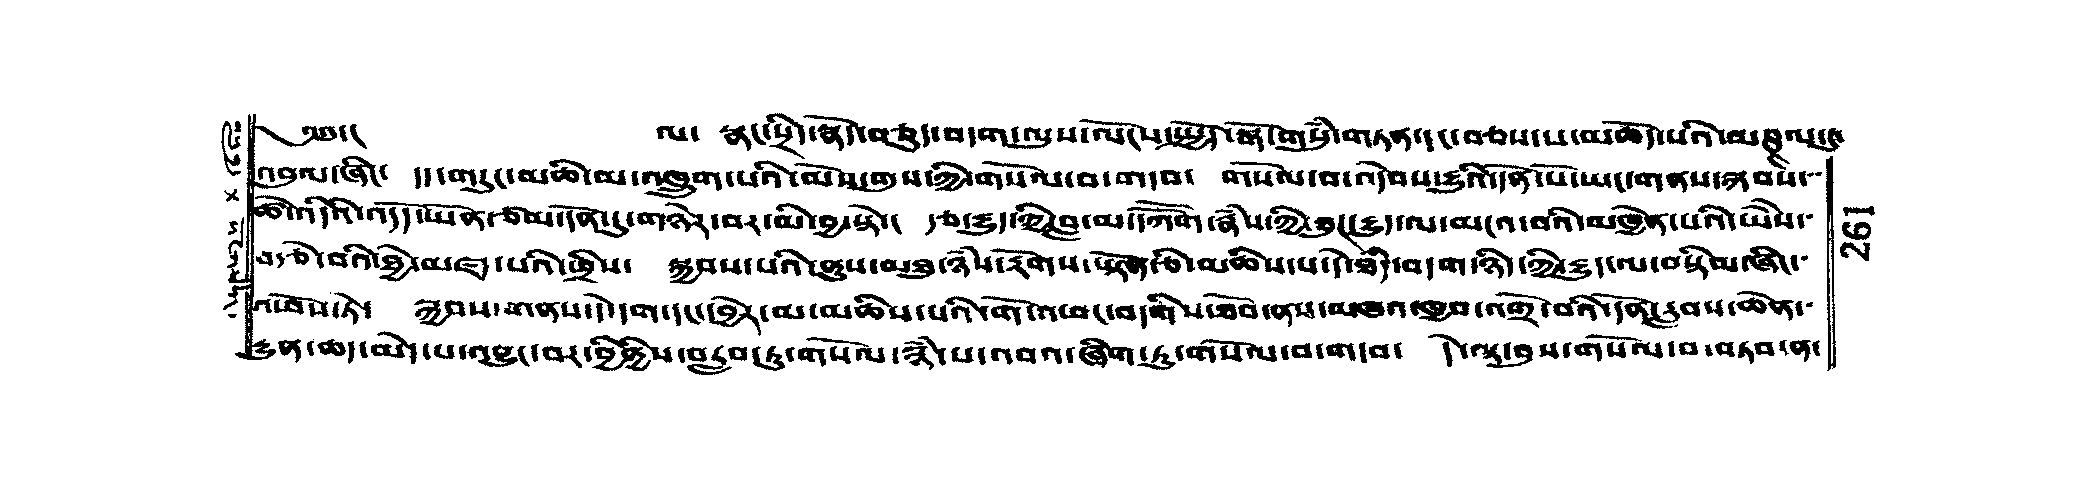ལ། སྣང་སྲིད་སྣོད་བཅུད་བདག་ལུས་ལོངས་སྤྱོད་སྒོ་གསུམ་གཏན་དང་བཅས་པ་མཆོད་པའི་མཎྜལ་དུ་
འབུལ་ཞིང་། དད་གདུང་མཆི་མ་འཁྲུག་པའི་མོས་གུས་ཀྱི་གསོལ་བ་གདབ། གསོལ་བ་འདེབས་རྒྱུའི་དོན་པོ་ཡང་གནས་སྐབས་
ཚེ་འདིའི་འདོད་ཡོན་ཙམ་དོན་དུ་གཉེར་བར་མི་བྱ་སྟེ། རྩ་རྒྱུད་ཀྱི་བླ་མ་དཀོན་མཆོག་རྣམས་ཀྱི་ཐུགས་རྒྱུད་ལ་མངའ་བའི་མཁྱེན་པའི་ཡེ་ཤེས་
བརྩེ་བའི་ཐུགས་རྗེ་མཛད་པའི་ཕྲིན་ལས།སྐྱོབ་པའི་ནུས་མཐུ་ཉམས་རྟོགས་ཡོན་ཏན་ཅི་མཆིས་པ་དེ་ཐམས་ཅད་བདག་ཉིད་ཀྱི་རྒྱུད་ལ་བསྟིམ་ཞིང་
འཕེལ་ཏེ། སྐྱབས་གནས་དེ་དག་དང་དབྱེར་མ་མཆིས་པའི་གོ་འཕང་བདག་གིས་ཐོབ་ནས་མཁའ་ཁྱབ་འགྲོ་བའི་དོན་རླབས་ཆེན་
རྒྱུན་ཆད་མེད་པ་འབྱུང་བར་བྱིན་གྱིས་བརླབ་ཏུ་གསོལ་སྙམ་པ་འབའ་ཞིག་ཏུ་གསོལ་བ་གདབ། དེ་ལྟ་བུས་གསོལ་བ་བཏབ་ན་